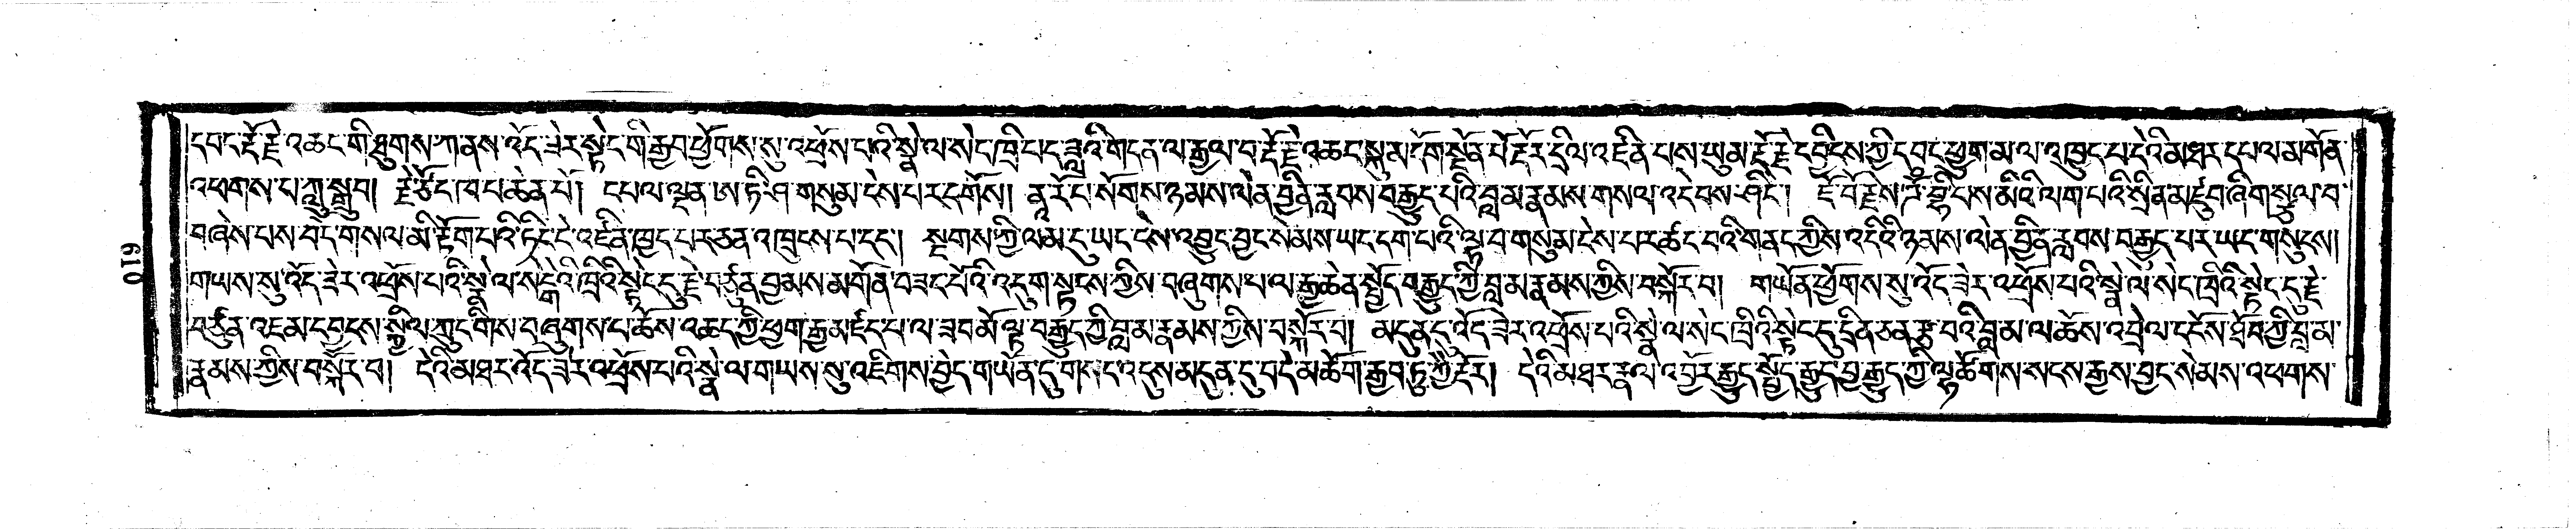དབང་རྡོ་རྗེ་འཆང་གི་ཐུགས་ཀ་ནས་འོད་ཟེར་སྟེང་གི་རྒྱབ་ཕྱོགས་སུ་འཕྲོས་པའི་སྣེ་ལ་སེང་ཁྲི་པད་ཟླའི་གདན་ལ་རྒྱལ་བ་རྡོ་རྗེ་འཆང་སྐུ་མདོག་སྔོན་པོ་རྡོར་དྲིལ་འཛིན་པས་ཡུམ་རྡོ་རྗེ་དབྱིངས་ཀྱི་དབང་ཕྱུག་མ་ལ་འཁྱུད་པ་དེའི་མཐར་དཔལ་མགོན་
འཕགས་པ་ཀླུ་སྒྲུབ། རྗེ་ཙོང་ཁ་པ་ཆེན་པོ། དཔལ་ལྡན་ཨ་ཏི་ཤ་གསུམ་ངེས་པར་དགོས། ནཱ་རོ་པ་སོགས་ཉམས་ལེན་བྱིན་རླབས་བརྒྱུད་པའི་བླ་མ་རྣམས་གསལ་འདེབས་ཤིང་། ཇོ་བོ་རྗེས་ཌོཾ་བྷི་པས་མིའི་ལག་པའི་སྲིན་མཛུབ་ཞིག་སྩལ་བ་
བཞེས་པས་བདེ་གསལ་མི་རྟོག་པའི་ཏིང་ངེ་འཛིན་ཁྱད་པར་ཅན་འཁྲུངས་པ་དང་། སྔགས་ཀྱི་ལམ་དུ་ཡང་ངེས་འབྱུང་བྱང་སེམས་ཡང་དག་པའི་ལྟ་བ་གསུམ་ངེས་པར་ཚང་བའི་གནད་ཀྱིས་འདིའི་ཉམས་ལེན་བྱིན་རླབས་བརྒྱུད་པར་ཡང་གསུངས།
གཡས་སུ་འོད་ཟེར་འཕྲོས་པའི་སྣེལ་སེངྒེའི་ཁྲིའི་སྟེང་དུ་རྗེ་བཙུན་བྱམས་མགོན་བཟང་པོའི་འདུག་སྟངས་ཀྱིས་བཞུགས་པ་ལ་རྒྱ་ཆེན་སྤྱོད་བརྒྱུད་ཀྱི་བླ་མ་རྣམས་ཀྱིས་བསྐོར་བ། གཡོན་ཕྱོགས་སུ་འོད་ཟེར་འཕྲོས་པའི་སྣེ་ལ་སེང་ཁྲིའི་སྟེང་དུ་རྗེ་
བཙུན་འཇམ་དབྱངས་སྐྱིལ་ཀྲུང་གིས་བཞུགས་པ་ཆོས་འཆད་ཀྱི་ཕྱག་རྒྱ་མཛད་པ་ལ་ཟབ་མོ་ལྟ་བརྒྱུད་ཀྱི་བླ་མ་རྣམས་ཀྱིས་བསྐོར་བ། མདུན་དུ་འོད་ཟེར་འཕྲོས་པའི་སྣེ་ལ་སེང་ཁྲིའི་སྟེང་དུ་དྲིན་ཅན་རྩ་བའི་བླ་མ་ལ་ཆོས་འབྲེལ་དངོས་ཐོབ་ཀྱི་བླ་མ་
རྣམས་ཀྱིས་བསྐོར་བ། དེའི་མཐར་འོད་ཟེར་འཕྲོས་པའི་སྣེ་ལ་གཡས་སུ་འཇིགས་བྱེད་གཡོན་དུ་གསང་འདུས་མདུན་དུ་བདེ་མཆོག་རྒྱབ་ཏུ་ཀྱཻ་རྡོར། དེའི་མཐར་རྣལ་འབྱོར་རྒྱུད་སྤྱོད་རྒྱུད་བྱ་རྒྱུད་ཀྱི་ལྷ་ཚོགས་སངས་རྒྱས་བྱང་སེམས་འཕགས་